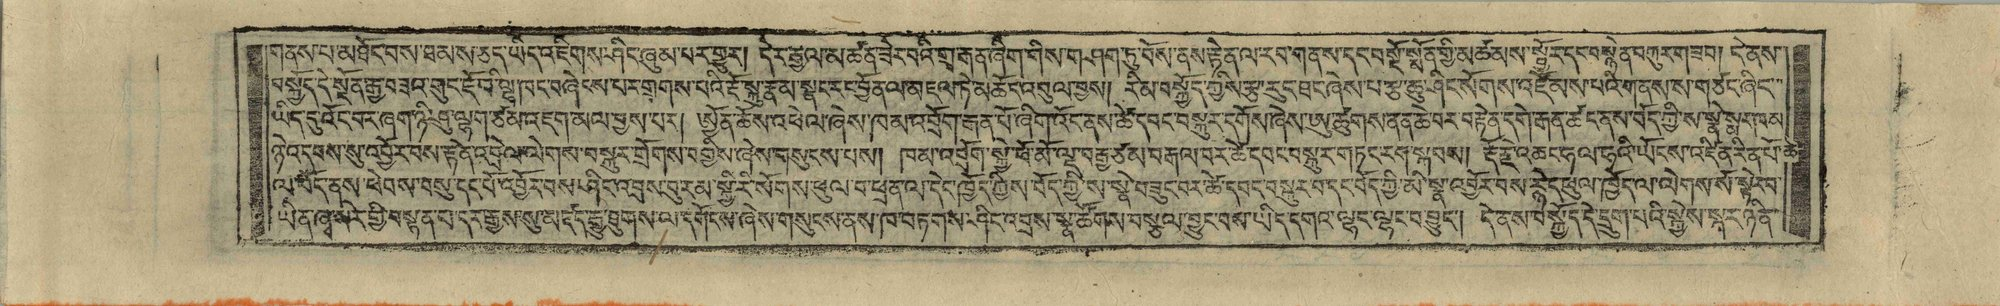གནས་པ་མཐོང་བས་ཐམས་ཅད་ཡིད་འཇིགས་ཤིང་ཞུམ་པར་གྱུར། དེར་རྒྱལ་མཚན་ཟེར་བའི་གྲྭ་རྒན་ཞིག་གིས་གཤག་ཏུ་བོས་ནས་རྟེན་ལ་རབ་གནས་དང་བསྡོ་སྨོན་གྱི་མཚམས་སྦྱོར་དང་བསྙེན་བཀུར་གཟབ། དེ་ནས་
བསྐྱོད་དེ་སྔོན་རྒྱ་བཟའ་གུང་ཇོ་བི་ལྷ་ཁང་བཞེངས་པར་གྲགས་པའི་རྔོ་སྐུ་རྣམ་སྣང་རང་བྱོན་ལ་མཇལ་ཏེ་མཆོད་འབུལ་བྱས། རིམ་བསྐྱོད་ཀྱིས་རྩ་རུང་ཐང་ཞེས་པ་རྩ་ཆུ་ཤིང་སོགས་འཛོམས་པའི་གནས་ས་གཙང་ཞིང་
ཡིད་དུ་འོང་བར་ཞག་ཉི་ཤུ་ལྷག་ཙམ་འཇག་མལ་བྱས་པར། ཨྱོན་ཆོས་འཕེལ་ཞེས་ཁམ་འབྲོག་རྒན་པོ་ཞིག་འོང་ནས་ཚེ་དབང་བསྐུར་དགོས་ཞེས་ཨུ་ཚུགས་ནན་ཆེ་བར་བརྟེན་དགེ་རྒན་ཚང་ནས་བོད་ཀྱི་ས་སྣེ་སྨར་ཁམ་
ཉེ་འདབས་སུ་འབྱོར་བས་རྟེན་འབྲེལ་ལེགས་བསྐུར་གྲོགས་བགྱིས་ཞེས་གསུངས་པས། ཁམ་འབྲོག་སྐྱེ་ཕོ་མོ་ལྔ་བརྒྱ་ཙམ་བརྒལ་བར་ཚེ་དབང་བསྐུར་གཏང་རག་སྐབས། རྡོ་རྗེ་འཆང་ཧལ་ཧའི་ཡོངས་འཛིན་རིན་པོ་ཆེ་
ལ་བོད་ནས་ཕེབས་བསུ་དང་པོ་འབྱོར་བས་ཤིང་འབྲས་བུ་རམ་སྐྱི་རི་སོགས་ཕུལ་བ་ཕྲན་ལ་དེང་ཁྱོད་ཀྱིས་བོད་ཀྱི་ས་སྣེ་བཟུང་བར་ཚེ་དབང་བསྐུར་བ་དང་བོད་ཀྱི་མི་སྣ་འབྱོར་བས་རྙེད་ཕུལ་ཁྱོད་ལ་ལེགས་སོ་སྟེར་བ་
ཡིན་ཞྭ་སེར་གྱི་བསྟན་པ་དར་རྒྱས་སུ་མཛད་རྒྱུ་ཐུགས་ལ་དགོངས་ཞེས་གསུངས་ནས་ཁ་བཏགས་ཤིང་འབྲས་སྣ་ཚོགས་བསྩལ་བྱུང་བས་ཡིད་དགའ་ལྷང་ལྷང་བ་བྱུང་། དེ་ནས་བསྐྱོད་དེ་དྲུག་པའི་སྐྱེས་སྐར་ཉིན་